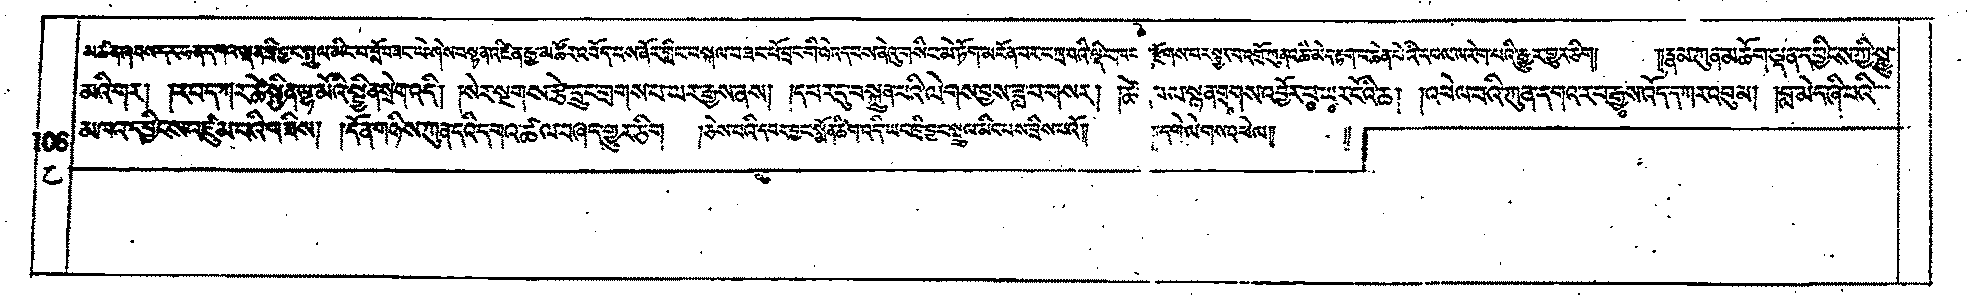མཚན་ཞབས་དར་ཧན་དགའ་ལྡན་ཁྲི་བྱང་སྦྲུལ་མིང་པ་བློ་བཟང་ཡེ་ཤེས་བསྟན་འཛིན་རྒྱ་མཚོར་འབོད་པས་ནོར་གླིང་བསྐལ་བཟང་ཕོ་བྲང་གི་ཉེ་འདབས་ནེའུ་གསིང་མེ་ཏོག་མངོན་བར་བཀྲ་བའི་ལྡིང་ཁང་རྫོགས་པར་སྦྱར་བ་འགྲོ་ཀུན་འཆི་མེད་རྟག་པ་ཆེན་པོའི་དཔལ་ལ་རེག་པའི་རྒྱུད་གྱུར་ཅིག། །།རྣམ་ཀུན་མཆོག་ལྡན་དབྱིངས་ཀྱི་སྒྱུ་
མའི་གར། །རབ་དཀར་ཚེ་སྦྱིན་ལྷ་མོའི་སྦྱིན་སྲེག་འདི། །སེར་སྔགས་རྩེ་དྲུང་གྲགས་པ་ཡར་རྒྱས་ནས། །དཔར་དུ་བསྐྲུན་པའི་ལེགས་བྱས་ཟླ་བ་གསར། །ཚེ་དཔལ་སྙན་གྲགས྾་འབྱོར་པ྾་ཡར྾་ངོའི་ཆ། །འཕེལ་བའི་ཀུན་དགའ་རབ་རྒྱས྾་འདོ་དཀར་འབུམ། །བླ་མེད་ཞི་བའི་་་
མཁའ་དབྱིངས་འཛུམ་པའི་གཟིས། །དོན་གཉིས་ཀུན་དའི་དགའ་ཚལ་བཞད་གྱུར་ཅིག་།ཅེས་པའི་དཔར་བྱང་སྨོན་ཚིག་འདི་ཡང་ཁྲི་བྱང་སྤྲུལ་མིང་པས་བྲིས་པའོ།། །།དགེ་ལེགས་འཕེལ།། །།